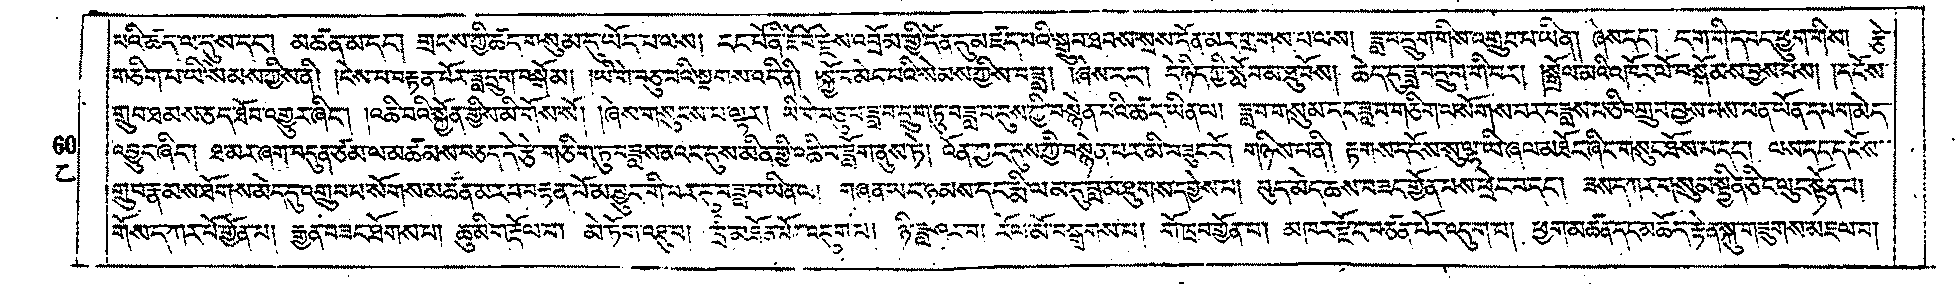པའི་ཚད་ལ་དུས་དང་། མཚན་མ་དང་། གྲངས་ཀྱི་ཚད་གསུམ་དུ་ཡོད་པ་ལས། དང་པོ་ནི་ཇོ་བོ་རྗེས་འབྲོམ་གྱི་དོན་དུ་མཛད་པའི་སྒྲུབ་ཐབས་སྲས་དོན་མར་གྲགས་པ་ལས། ཟླ་བ་དྲུག་གིས་འགྲུབ་པ་ཡིན། ཞེས་དང་། དག་གི་དབང་ཕྱུག་གིས། རྩེ་
གཅིག་པ་ཡི་སེམས་ཀྱིས་ནི། །ངེས་པ་བརྟན་པོར་ཟླ་དྲུག་བསྒོམ། །ཡི་གེ་བཅུ་པའི་སྔགས་འདི་ནི། །སྐྱོ་བ་མེད་པའི་སེམས་ཀྱིས་བཟླ། །ཞེས་དང་། དེ་ཉིད་ཀྱི་སློབ་མ་ཐུ་བོས། ཆེད་དུ་ཟླ་བ་དྲུག་གི་བར། །སྒྲོལ་མའི་འཁོར་ལོ་བསྒོམས་བྱས་པས། །དངོས་
གྲུབ་ཐམས་ཅད་ཐོབ་འགྱུར་ཞིང་། །འཆི་བའི་སྐྱོན་གྱིས་མི་གོས་སོ། །ཞེས་གསུངས་པ་ལྟར། ཡི་གེ་བཅུ་པ་ཟླ་བ་དྲུག་ཏུ་བཟླ་བ་དུས་ཀྱི་བསྙེན་པའི་ཚད་ཡིན་ལ། ཟླ་བ་གསུམ་དང་ཟླ་བ་གཅིག་ལ་སོགས་པར་བཟླས་པ་ཅི་འགྲུབ་བྱས་པས་ཕན་ཡོན་དཔག་མེད་་་
འབྱུང་ཞིང་། ཐ་མར་ཞག་བདུན་ཙམ་ལ་མཚམས་བཅད་དེ་རྩེ་གཅིག་ཏུ་བཟླས་ནའང་དུས་མིན་གྱི་འཆི་བ་ཟློག་ནུས་ཏེ། འོན་ཀྱང་དུས་ཀྱི་བསྙེན་པར་མི་བཟུང་ངོ། གཉིས་པ་ནི། རྟགས་དངོས་སུ་ལྷ་ཡི་ཞལ་མཐོང་ཞིང་གསུང་ཐོས་པ་དང་། ལས་དང་དངོས་་་
གྲུབ་རྣམས་ཐོགས་མེད་དུ་འགྲུབ་པ་སོགས་མཚན་མ་རབ་བརྟན་པོ་མ་བྱུང་གི་བར་དུ་བཟླ་བ་ཡིན་ལ། གཞན་ཡང་ཉམས་དང་རྨི་ལམ་དུ་བླ་མ་ཐུགས་དགྱེས་པ། བུད་མེད་ཆས་བཟང་གྱོན་པས་ཕྲེང་བ་དང་། ཟས་དཀར་གསུམ་སྦྱིན་ཅིང་ལུང་སྟོན་པ།
གོས་དཀར་པོ་གྱོན་པ། རྒྱན་བཟང་ཐོགས་པ། ཆུ་མིག་རྡོལ་བ། མེ་ཏོག་འཐུ་བ། ཁྲི་མཐོན་པོར་འདུག་པ། ཉི་ཟླ་ཤར་བ། རོལ་མོ་བསྒྲགས་པ། གོ་ཁྲབ་གྱོན་པ། མཁར་རྫོང་བཙན་པོར་འདུག་པ། ཕྱག་མཚན་དང་མཆོད་རྟེན་སྐུ་གཟུགས་མཇལ་བ།